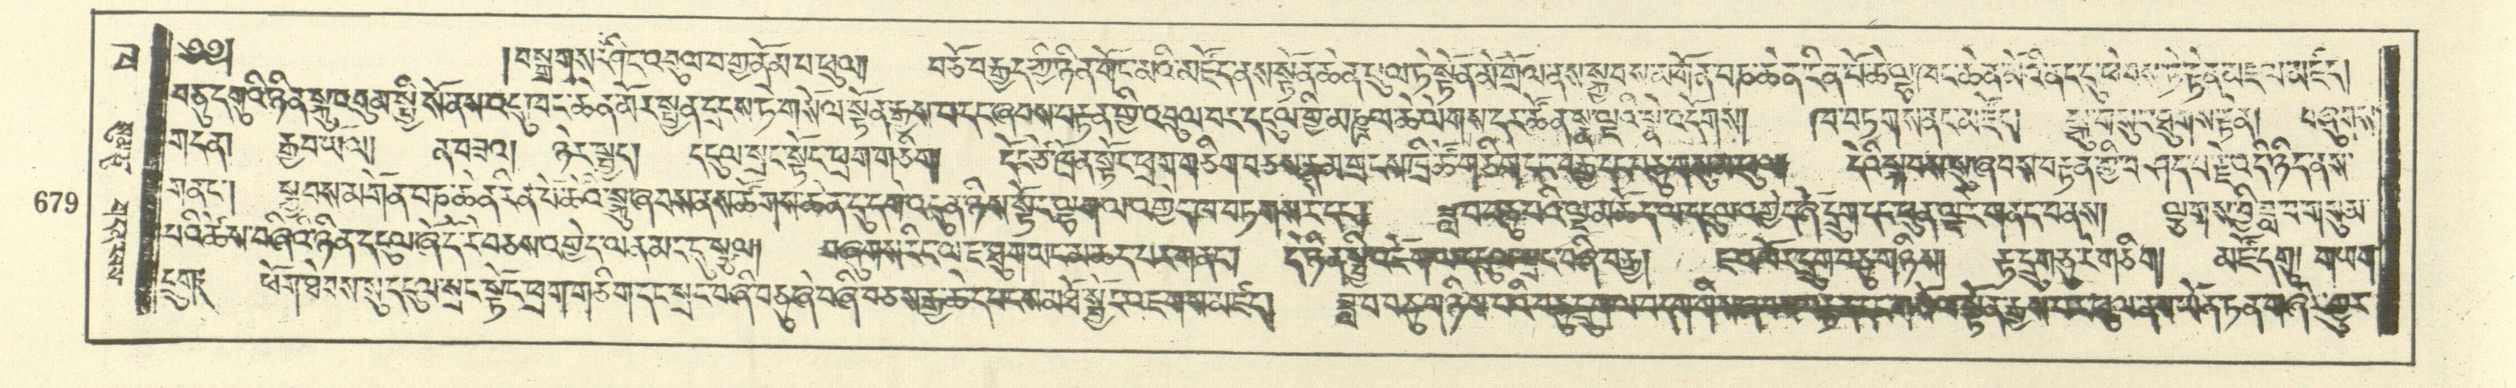༄༅། །བསྒྲགས་ཤིང་འབུལ་བ་གྱ་ནོམ་པ་ཕུལ། བཅོ་བརྒྱད་ཀྱི་ཉིན་གོང་མའི་མཛོད་ནས་སྟོན་ཆེན་ཕུལ་ཏེ་སྟོན་མོ་གྲོལ་ནས་སྐྱབས་མགོན་པཎ་ཆེན་རིན་པོ་ཆེ་ལྷ་ཁང་ཆེན་མོའི་ནང་དུ་ཕེབས་ཏེ་རྟེན་མཇལ་མཛད།
བཅུ་དགུའི་ཉིན་སྐུ་འབུམ་སྤྱི་སོ་ནས་འདུ་ཁང་ཆེན་མོར་སྤྱན་དྲངས་ཏེ་གསོལ་སྟོན་རྒྱས་པ་དང་ཞབས་བརྟན་གྱི་འབུལ་བར་དངུལ་གྱི་མཎྜལ་ཆེ་ལེགས་དར་ཚོན་སྣ་ལྔའི་སྣེ་འདོགས། ཁ་བཏགས་ནང་མཛོད། སྐུ་གསུང་ཐུགས་རྟེན། བཞུགས་
གདན། རྒྱབ་ཡོལ། ན་བཟའ། ཉེར་སྤྱད། དངུལ་སྲང་སྟོང་ཕྲག་གཅིག། དོང་རྩེ་ཁྲོན་སྟོང་ཕྲག་གཅིག་བཅས་རྣམ་གྲངས་ཁྲི་ཚོ་གཅིག་དང་བརྒྱ་དང་བཅུ་གསུམ་ཕུལ། དེའི་སྐབས་སུ་ཞབས་བརྟན་གྱི་བཤད་པ་རྗེ་འདི་ཉིད་ནས་
གནང་། སྐྱབས་མགོན་པཎ་ཆེན་རིན་པོ་ཆེའི་སྐུ་ཞབས་ནས་ཚོགས་ཆེན་དུ་དགེ་འདུན་ཉིས་སྟོང་ལྷག་ལ་འགྱེད་ཁ་བཏགས་རེ་དང་། ཟླ་བ་བཅུ་པའི་ལྔ་མཆོད་ལ་དངུལ་འགྱེད་ཞོ་དྲུག་དང་ཕུལ་ལྔ་རེ་གནད་བ་ནས། ལྕགས་བྱི་ཟླ་བ་གསུམ་
པའི་ཚེས་བཞིའི་ཉིན་དངུལ་ཞོ་དེ་རེ་བཅས་འགྱེད་ལན་མང་དུ་སྩལ། བཞུགས་རིང་ལ་ཇ་ཐུག་ཡང་མཆད་པར་གནང་། དེ་ཉིན་སྤྱི་འཇོག་ལ་དངུལ་སྲང་བཞི་བརྒྱ། ཇ་འཁོར་དྲུང་བཅུ་གཉིས། རྟ་དྲུག་ཅུ་རེ་གཅིག། མཛོ་དགུ། གཡག་
དྲུག༑ ཕོག་ཐེབས་སུ་དངུལ་སྲང་སྟོང་ཕྲག་གཅིག་དང་སྲང་བཞི་བཅུ་ཞེ་བཞི་བཅས་རྒྱ་ཆེ་དཔངས་མཐོ་སྦྱོར་འཇགས་མཛད། ཟླ་བ་བཅུ་གཉིས་པའི་བཅུ་དྲུག་ལ་བདག་གིས་ཞབས་བརྟན་དང་གསོལ་སྟོན་རྒྱས་པར་ཕུལ་ནས་ཡོན་ཏན་གཞིར་གྱུར་